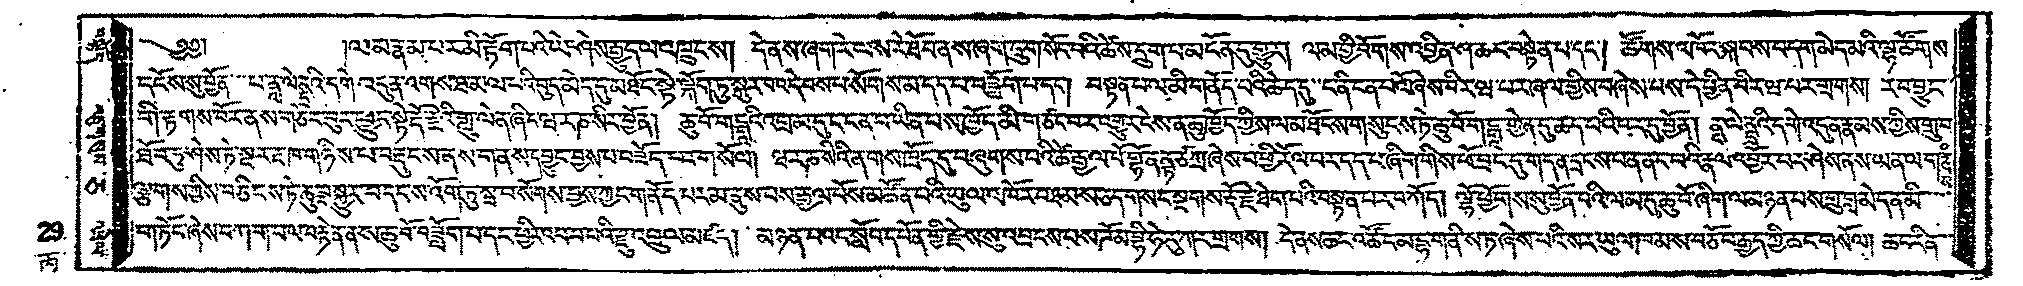༄༅། །ལམ་རྣམ་པར་མི་རྟོག་པའི་ཡེ་ཤེས་རྒྱུད་ལ་འཁྲུངས། དེ་ནས་ཞག་རེ་ལས་རེ་ཐོབ་ནས་ཞག་དྲུག་སོང་བའི་ཚེ་ས་དྲུག་པ་མངོན་དུ་གྱུར། ལམ་གྱི་བོགས་འབྱིན་ཤ་ཆད་བསྟེན་པ་དང་། ཚོགས་འཁོར་སྐབས་བདག་མེད་མའི་ལྷ་ཚོགས་
དངོས་སུ་བྱོན་པ་ནཱ་ལེནྡྲའི་དགེ་འདུན་འགས་ཐ་མལ་པའི་བུད་མེད་དུ་མཐོང་སྟེ་ལྐོག་ཏུ་སྐུར་བ་འདེབས་པ་སོགས་མ་དད་པ་བཟློག་པ་དང་། བསྟན་པ་ལ་མི་གནོད་པའི་ཆེད་དུ་ང་ནི་ངན་པའོ་ཞེས་བིར་ཝ་པར་ཞལ་གྱིས་བཞེས་པས་དེ་ཕྱིན་བིར་ཝ་པར་གྲགས། རབ་བྱུང་
གི་རྟགས་བོར་ནས་གཅེར་བུར་ཕྱུང་སྟེ་རྡོ་རྗེའི་གླུ་ལེན་ཞིང་ཝ་ར་ཎ་སིར་བྱོན། ཆུ་བོ་གངྒཱའི་འགྲམ་དུ་ང་ངན་པ་ཡིན་པས་ཁྱོད་མི་གཙང་བར་འགྱུར་ངེས་ན་ཆུ་ཁྱོད་ཀྱིས་ལམ་ཐོངས་གསུངས་ཏེ་ཆུ་བོ་གངྒཱ་གྱེན་དུ་ཆད་པའི་བར་དུ་བྱོན། ནཱ་ལེནྡྲའི་དགེ་འདུན་རྣམས་ཀྱིས་གྲུབ་
ཐོབ་ཏུ་ཤེས་ཏེ་སྔར་རྔ་ཁ་གཉིས་པ་བརྡུངས་ནས་གནས་དབྱུང་བྱས་པ་བཟོད་པར་གསོལ། ཝ་ར་ཎ་སིའི་ནགས་ཁྲོད་དུ་བཞུགས་པའི་ཚེ་རྒྱལ་པོ་གྷོ་ནནྟ་ཙ་ཀྲ་ཞེས་པ་ཕྱི་རོལ་པར་དད་པ་ཞིག་གིས་ཕོ་བྲང་དུ་གདན་དྲངས་པ་ན་ནང་པའི་རྣལ་འབྱོར་པར་ཤེས་ནས་ཡན་ལག་རྣམས་
ལྕགས་ཀྱིས་བཅིངས་ཏེ་ཆུར་བསྐྱུར་བ་དང་ས་འོག་ཏུ་སྦ་བ་སོགས་བྱས་ཀྱང་གནོད་པར་མ་ནུས་པས་རྒྱལ་པོས་མཚོན་པའི་ཡུལ་འཁོར་བ་ཐམས་ཅད་གསང་སྔགས་རྡོ་རྗེ་ཐེག་པའི་བསྟན་པར་བཀོད། ལྷོ་ཕྱོགས་སུ་བྱོན་པའི་ལམ་དུ་ཆུ་བོ་ཞིག་ལ་མཉན་པས་གྲུ་གླ་མེད་ན་མི་
གཏོང་ཞེས་བཀག་པ་ལ་བརྟེན་ནས་ཆུ་བོ་བཟློག་པ་དང་ཕྱིར་འབབ་པའི་རྫུ་འཕྲུལ་མཛད། མཉན་པའང་སློབ་དཔོན་གྱི་རྗེས་སུ་འབྲངས་པས་ཌོམ་བྷི་ཧེ་རུ་ཀར་གྲགས། དེ་ནས་ཆང་འཚོང་མངྷ་ག་ནི་ས་ཏ་ཞེས་པའི་སར་ཡུལ་ཁམས་བཅོ་བརྒྱད་ཀྱི་ཆང་གསོལ། ཆང་རིན་